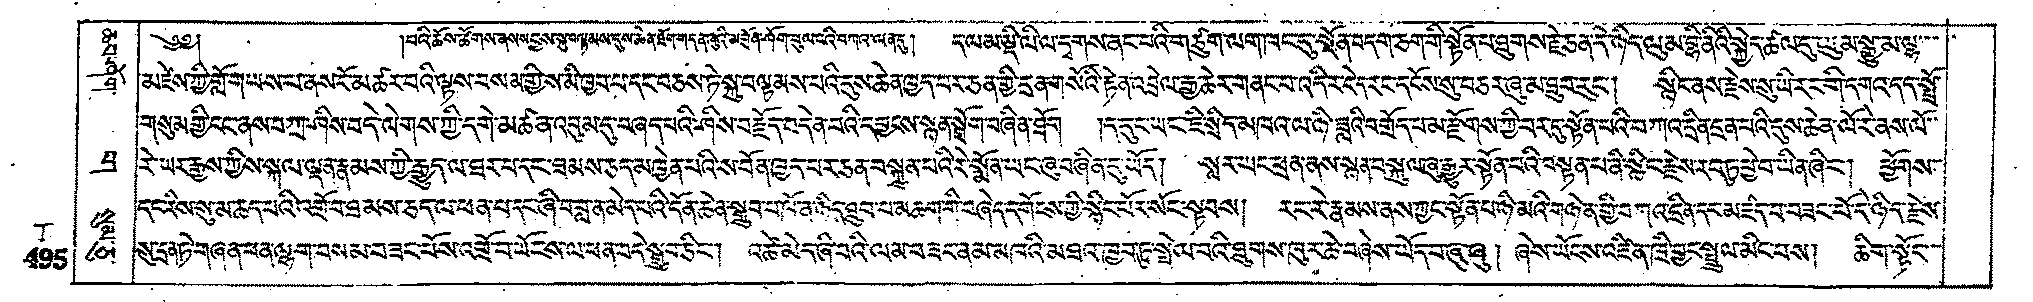༄༅། །པའི་ཆོས་ཚོགས་ནས་སངས་རྒྱས་སྐུ་བལྟམས་དུས་ཆེན་ཐོག་གདན་ཞུའི་མགྲོན་ཤོག་ཕུལ་བའི་བཀའ་ལན་དུ།  ད་ལམ་ལྡི་ལི་ལ་དྭགས་ནང་པའི་གཙུག་ལག་ཁང་དུ་སྔོན་བདག་ཅག་གི་སྟོན་པ་ཐུགས་རྗེ་ཅན་དེ་ཉིད་ལུམ་བྷི་ནིའི་སྐྱེད་ཚལ་དུ་ཡུམ་སྒྱུ་མ་ལྷ་་་
མཛེས་ཀྱི་གློ་གཡས་པ་ནས་ངོ་མཚར་བའི་ལྟས་བསམ་གྱིས་མི་ཁྱབ་པ་དང་བཅས་ཏེ་སྐུ་བལྟམས་པའི་དུས་ཆེན་ཁྱད་པར་ཅན་གྱི་དྲན་གསོའི་རྟེན་འབྲེལ་རྒྱ་ཆེར་གནང་བ་འདིར་ངེད་རང་དངོས་སུ་བཅར་ཞུ་མ་ཐུབ་རུང་། སྙིང་ནས་རྗེས་སུ་ཡི་རང་གི་དགའ་དད་སྤྲོ་
གསུམ་གྱི་ངང་ནས་བཀྲ་ཤིས་བདེ་ལེགས་ཀྱི་དགེ་མཚན་འབུམ་དུ་བཞད་པའི་ཤིས་བརྗོད་བདེན་པའི་དབྱངས་སྙན་སྒྲོབ་བཞིན་ཐོག །ད་དུང་ཡང་ཇི་སྲིད་མཁའ་ལ་ཉི་ཟླའི་བགྲོད་པ་མ་རྫོགས་ཀྱི་བར་དུ་སྟོན་པའི་བཀའ་དྲིན་དྲན་པའི་དུས་ཆེན་ལོ་རེ་ནས་ལོ་་་
རེ་ཡར་རྒྱས་ཀྱིས་སྐལ་ལྡན་རྣམས་ཀྱི་རྒྱུད་ལ་ཐར་པ་དང་ཐམས་ཅད་མཁྱེན་པའི་ས་བོན་ཁྱད་པར་ཅན་བསྐྲུན་པའི་རེ་སྨོན་ཡང་ཞུ་བཞིན་དུ་ཡོད། སླར་ཡང་ཕྲན་ནས་སྙན་བསྐུལ་ཞུ་རྒྱུར་སྟོན་པའི་བསྟན་པ་ནི་སྙིང་རྗེས་རབ་ཏུ་ཕྱེ་བ་ཡིན་ཞིང་། ཕྱོགས་་་
དང་རིས་སུ་མ་ཆད་པའི་འགྲོ་བ་ཐམས་ཅད་ལ་ཕན་པ་དང་ཞི་བ་བླ་ན་མེད་པའི་དོན་ཆེན་སྒྲུབ་པ་ཁོ་ན་ཉིད་ཐུབ་པ་མཆག་གི་བཞེད་དགོངས་ཀྱི་སྙིང་པོར་སོང་སྟབས། རང་རེ་རྣམས་ནས་ཀྱང་སྟོན་པ་ཉི་མའི་གཉེན་གྱི་བཀའ་དྲིན་དང་མཛད་པ་བཟང་པོ་དེ་ཉིད་རྗེས་
སུ་དྲན་ཏེ་གཞན་ཕན་ལྷག་བསམ་བཟང་པོས་འགྲོ་བ་ཡོངས་ལ་ཕན་བདེ་སྒྲུབ་ཅིང་། འཚེ་མེད་ཞི་བའི་ལམ་བཟང་ནམ་མཁའི་མཐའ་ཁྱབ་ཏུ་སྤེལ་བའི་ཐུགས་ཁུར་ཆེ་བཞེས་ཡོད་པ་ཞུ་ཞུ། ཞེས་ཡོངས་འཛིན་ཁྲི་བྱང་སྤྲུལ་མིང་པས། ཆིག་སྟོང་་་